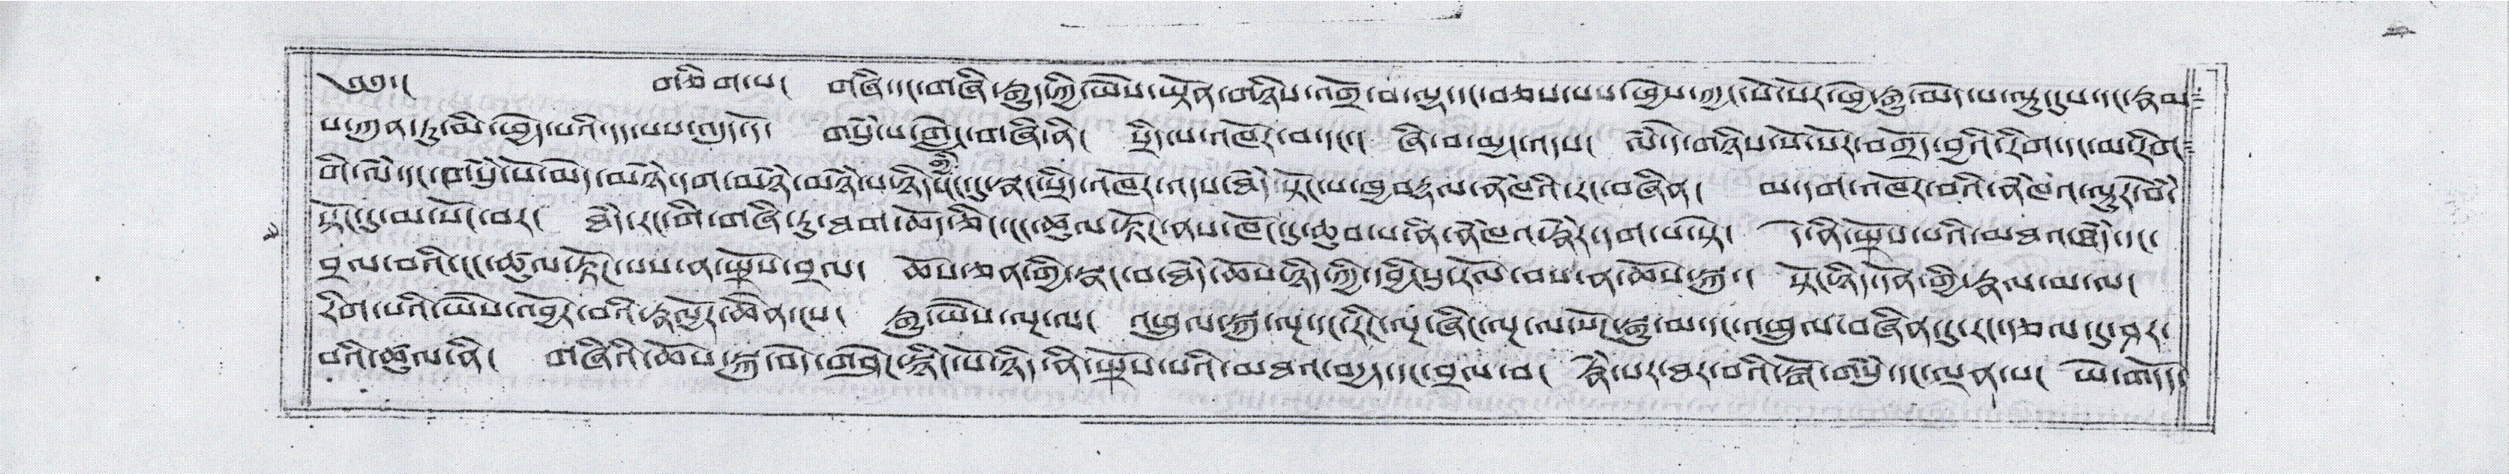གཅིག་པ། གཞི་དང་གཞི་རྒྱུད་ཀྱི་ཡོན་ཏན་གཉིས་འགྲོ་བ་ལྷ་དང་བཅས་པས་ཕྱེས་ཀྱང་སོ་སོར་ཕྱེ་རྒྱུ་མེད་པ་ལྟ་བུ་དུས་དང་རྣམ་
པ་ཀུན་ཏུ་མི་ཕྱེད་པའི་དད་པས་འདུད་དོ། གསུམ་པ་གླེང་གཞི་ནི། སྲིད་པ་འཁོར་བ་དང་། ཞི་བ་མྱང་འདས། ལམ་དེ་གཉིས་སོ་སོར་བགྲོད་བྱའི་རིག་དང་མ་རིག་
གི་ལམ་དང་གསུམ་པོ་མེད་མཉམ་དག་མཉམ་མཉམ་པ་ཉིད་ཀྱི་ངང་དུ་སྣང་སྲིད་འཁོར་འདས་ཐམས་ཅད་སྟོང་པ་ཁྱབ་བརྡལ་ནམ་མཁའི་རང་བཞིན། མ་དག་འཁོར་བའི་ནམ་མཁའ་ལྟ་བུར་བེམ་
སྟོང་དུ་མ་སོང་བར་ཐམས་ཅད་རང་གི་གཞི་རུ་ཐག་ཆོད་ཅིང་ངང་ཚུལ་རྟོགས་ཤིང་ཁོང་དུ་ཆུབ་པ་ནི་ནམ་མཁའ་རྣམ་པར་དག་པ་སྟེ། དེ་ནི་སྤྲོས་པའི་མཐའ་ཐམས་ཅད་དང་
བྲལ་བའི་ངང་ཚུལ་རྟོགས་པས་ན་སྤྲོས་བྲལ། ཆོས་ཅན་གྱི་སྣང་བ་ཐམས་ཅད་ཆོས་ཉིད་ཀྱི་དབྱིངས་སུ་རོལ་པས་ན་ཆོས་སྐུ། སྟོང་ཉིད་དོན་གྱི་རྣལ་མ་ལ་
རིག་པའི་ཡེ་ཤེས་འབྱོར་བའི་རྣལ་འབྱོར་ཆེན་པོ་ངས། རྒྱུ་ཡེ་ཤེས་ལྔ་ལ། འཕྲུལ་སྐུ་དང་རིགས་ལྔ་ཞིང་ལྔ་ལ་སོགས་སྒྱུ་མ་དང་འཕྲུལ་བཞིན་དུ་རང་རྩལ་དུ་ཤར་
བའི་ཚུལ་ནི། གཞིའི་ཆོས་སྐུ་བདེར་གཤེགས་སྙིང་པོ་ནི་སྤྲོས་པའི་མཐའ་བརྒྱད་དང་བྲལ་བ། རྣམ་པར་ཐར་པའི་སྒོ་གསུམ་དང་ལྡན་པ། ཡེ་གདོད་